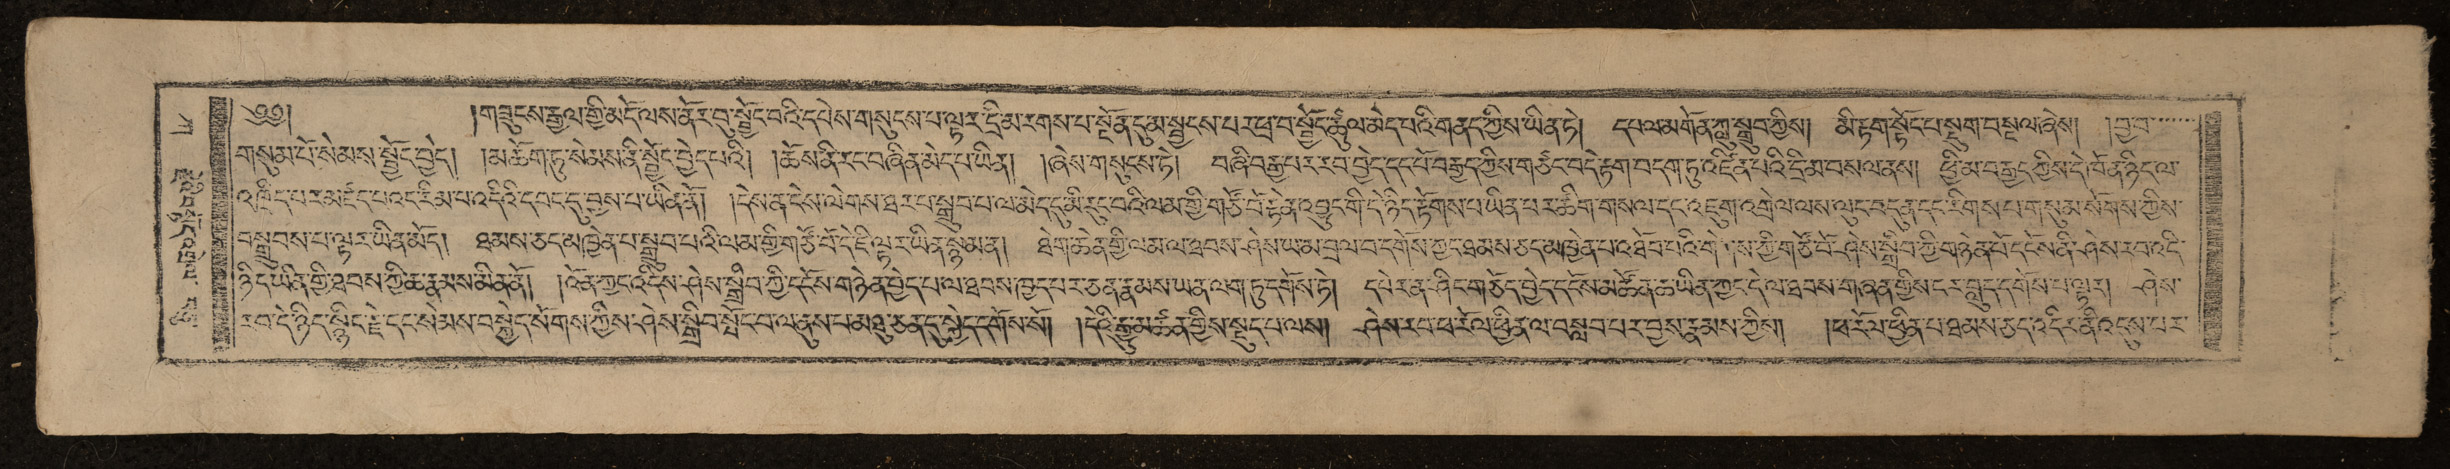༄༅། །གཟུངས་རྒྱལ་གྱི་མདོ་ལས་ནོར་བུ་སྦྱོང་བའི་དཔེས་གསུངས་པ་ལྟར་དྲི་མ་རགས་པ་སྔོན་དུ་མ་སྦྱངས་པར་ཕྲ་བ་སྦྱོང་ཚུལ་མེད་པའི་གནད་ཀྱིས་ཡིན་ཏེ། དཔལ་མགོན་ཀླུ་སྒྲུབ་ཀྱིས། མི་རྟག་སྟོང་པ་སྡུག་བསྔལ་ཞེས། །བྱ་བ་
གསུམ་པོ་སེམས་སྦྱོང་བྱེད། །མཆོག་ཏུ་སེམས་ནི་སྤྱོད་བྱེད་པའི། །ཆོས་ནི་རང་བཞིན་མེད་པ་ཡིན། །ཞེས་གསུངས་ཏེ། བཞི་བརྒྱ་པར་རབ་བྱེད་དང་པོ་བརྒྱད་ཀྱིས་གཙང་བདེ་རྟག་བདག་ཏུ་འཛིན་པའི་དྲི་མ་བསལ་ནས། ཕྱི་མ་བརྒྱད་ཀྱིས་དེ་ཁོ་ན་ཉིད་ལ་
འཁྲིད་པར་མཛད་པའང་རིམ་པ་འདིའི་དབར་དུ་བྱས་པ་ཡིན་ནོ། །དེས་ན་ངེས་ལེགས་ཐར་པ་སྒྲུབ་པ་ལ་མེད་དུ་མི་རུང་བའི་ལམ་གྱི་གཙོ་བོ་རྟེན་འབྱུང་གི་དེ་ཉིད་རྟོགས་པ་ཡིན་པར་ཚིག་གསལ་དང་འཇུག་འགྲེལ་ལས་ལུང་བདུན་དང་རིགས་པ་གསུམ་སོགས་ཀྱིས་
བསྒྲུབས་པ་ལྟར་ཡིན་མོད། ཐམས་ཅད་མཁྱེན་པ་སྒྲུབ་པའི་ལམ་གྱི་གཙོ་བོ་དེ་ཇི་ལྟར་ཡིན་སྙམ་ན། ཐེག་ཆེན་གྱི་ལམ་ལ་ཐབས་ཤེས་ཡམ་བྲལ་བ་དགོས་ཀྱང་ཐམས་ཅད་མཁྱེན་པ་ཐོབ་པའི་གེགས་ཀྱི་གཙོ་བོ་ཤེས་སྒྲིབ་ཀྱི་གཉེན་པོ་དངོས་ནི་ཤེས་རབ་འདི་
ཉིད་ཡིན་གྱི་ཐབས་ཀྱི་ཆ་རྣམས་མིན་ནོ། །འོན་ཀྱང་འདིས་ཤེས་སྒྲིབ་ཀྱི་དངོས་གཉེན་བྱེད་པ་ལ་ཐབས་ཁྱད་པར་ཅན་རྣམས་ཡན་ལག་ཏུ་དགོས་ཏེ། དཔེར་ན་ཤིང་གནོད་བྱེད་དངོས་མཚོན་ཆ་ཡིན་ཀྱང་དེ་ལ་ཐབས་གཞན་གྱིས་ངར་བླུད་དགོས་པ་ལྟར། ཤེས་
རབ་དེ་ཉིད་སྙིང་རྗེ་དང་སེམས་བསྐྱེད་སོགས་ཀྱིས་ཤེས་སྒྲིབ་སྤོང་བ་ལ་ནུས་པ་མཐུ་ཅན་དུ་སྐྱེད་དགོས་སོ། །དེའི་རྒྱུ་མཚན་གྱིས་སྡུད་པ་ལས། ཤེས་རབ་ཕ་རོལ་ཕྱིན་ལ་བསླབ་པར་བྱས་རྣམས་ཀྱིས། །ཕ་རོལ་ཕྱིན་པ་ཐམས་ཅད་འདིར་ནི་འདུས་པར་